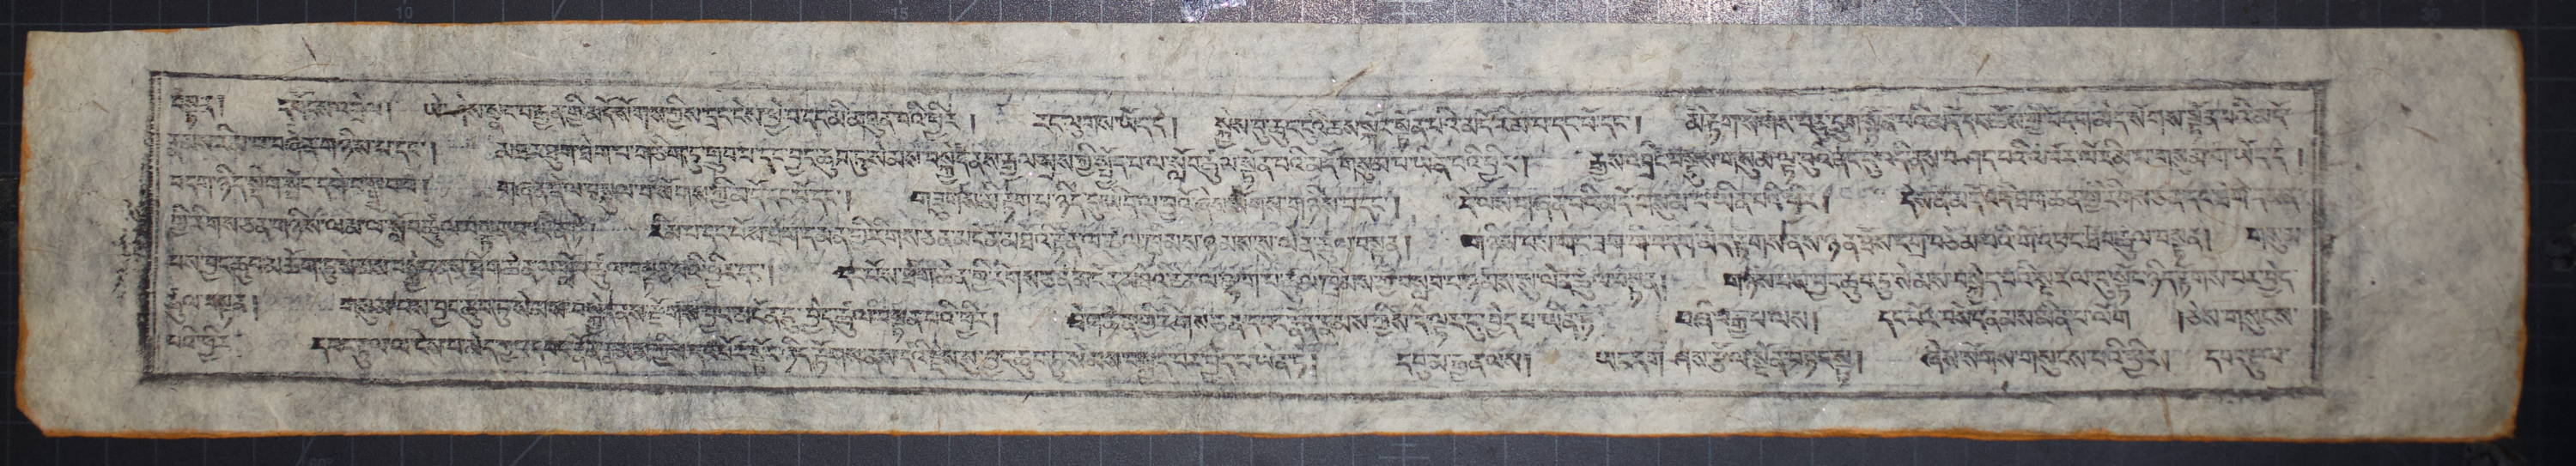བསྟན། དགོངས་འགྲེལ། ཡེ་ཤེས་སྣང་བ་རྒྱན་གྱི་མདོ་སོགས་ཀྱིས་དྲང་ངེས་ཕྱེ་བ་དང་མི་མཐུན་པའི་ཕྱིར། རང་ལུགས་ཡོད་དེ། སྐྱེས་བུ་ཆུང་ངུའི་ཆོས་སྐོར་སྟོན་པའི་མདོ་རིམ་པ་དང་པོ་དང་། མི་རྟག་སོགས་བཅུ་དྲུག་སྟོན་པའི་མདོ་དང་ཆོས་ཀྱི་བདག་མེད་སོགས་སྟོན་པའི་མདོ་
རྣམས་རིམ་པ་བཞིན་གཉིས་པ་དང་། མཐར་ཐུག་ཐེག་པ་གཅིག་ཏུ་གྲུབ་པ་དང་བྱང་ཆུབ་ཏུ་སེམས་བསྐྱེད་ནས་རྒྱལ་སྲས་ཀྱི་སྤྱོད་པ་ལ་སློབ་ཚུལ་སྟོན་པའི་མདོ་གསུམ་པ་ཡིན་པའི་ཕྱིར། རྒྱས་འབྲིང་བསྡུས་གསུམ་ལྟ་བུའི་ནང་དུ་འདི་ནས་བཤད་པའི་འཁོར་ལོ་རིམ་པ་གསུམ་ག་ཡོད་དེ།
བདག་ཉིད་སྡིག་སྤོང་དགེ་བ་སྒྲུབ་པ། གཞན་དེ་ལ་བསྐུལ་བ་སོགས་ཀྱི་མདོ་དང་པོ་དང་། གཟུགས་མི་རྟག་པ་ཉིད་དུ་ཡིད་ལ་བྱའོ་ཞེས་སོགས་གཉིས་པ་དང་། དེ་ལས་གཞན་པའི་མདོ་གསུམ་པ་ཡིན་པའི་ཕྱིར། དེས་ན་མདོ་འདི་ཐེག་ཆེན་གྱི་རིགས་ཅན་དང་ཐེག་དམན་
གྱི་རིགས་ཅན་གཉིས་ལམ་ལ་སློབ་ཚུལ་བསྟན་པ་ཡིན་ཏེ། རིམ་པ་དང་པོས་ཐེག་དམན་གྱི་རིགས་ཅན་མངོན་མཐོའི་རྟེན་ལ་ཚུལ་ཁྲིམས་ཉམས་སུ་ལེན་ཚུལ་བསྟན། གཉིས་པས་གང་ཟག་གི་བདག་མེད་རྟོགས་ནས་ཉན་ཐོས་དགྲ་བཅོམ་པའི་གོ་འཕང་ཐོབ་ཚུལ་བསྟན། གསུམ་
པས་བྱང་ཆུབ་མཆོག་ཏུ་སེམས་བསྐྱེད་ནས་ཐེག་ཆེན་ལ་སློབ་ཚུལ་བསྟན་པའི་ཕྱིར་དང་། དང་པོས་ཐེག་ཆེན་གྱི་རིགས་ཅན་མངོན་མཐོའི་རྟེན་ལ་ལྷག་པ་ཚུལ་ཁྲིམས་ཀྱི་བསླབ་པ་ཉམས་སུ་ལེན་ཚུལ་བསྟན། གཉིས་པས་བྱང་ཆུབ་ཏུ་སེམས་བསྐྱེད་པའི་སྔ་རོལ་དུ་སྟོང་ཉིད་རྟོགས་པར་བྱེད་
ཚུལ་བསྟན། གསུམ་པས་བྱང་ཆུབ་ཏུ་སེམས་བསྐྱེད་ནས་རྫོགས་བྱང་མངོན་དུ་བྱེད་ཚུལ་བསྟན་པའི་ཕྱིར། ཐེག་ཆེན་གྱི་རིགས་ཅན་དབང་རྣོན་རྣམས་ཀྱིས་དེ་ལྟར་དུ་བྱེད་པ་ཡིན་ཏེ། བཞི་བརྒྱ་པ་ལས། དང་པོར་བསོད་ནམས་མིན་པ་ལོག །ཅེས་གསུངས་
པའི་ཕྱིར། དབང་རྟུལ་ལ་ངེས་པ་མེད་ཀྱང་དབང་རྣོན་རྣམས་ཀྱིས་དང་པོར་སྟོང་ཉིད་རྟོགས་ནས་དེའི་རྗེས་སུ་བྱང་ཆུབ་ཏུ་སེམས་བསྐྱེད་པར་བྱེད་པ་ཡིན་ཏེ། དབུ་མ་རྒྱན་ལས། ཡང་དག་ཤེས་རྩོལ་སྔོན་བཏང་སྟེ། ཞེས་སོགས་གསུངས་པའི་ཕྱིར། དབང་རྟུལ་